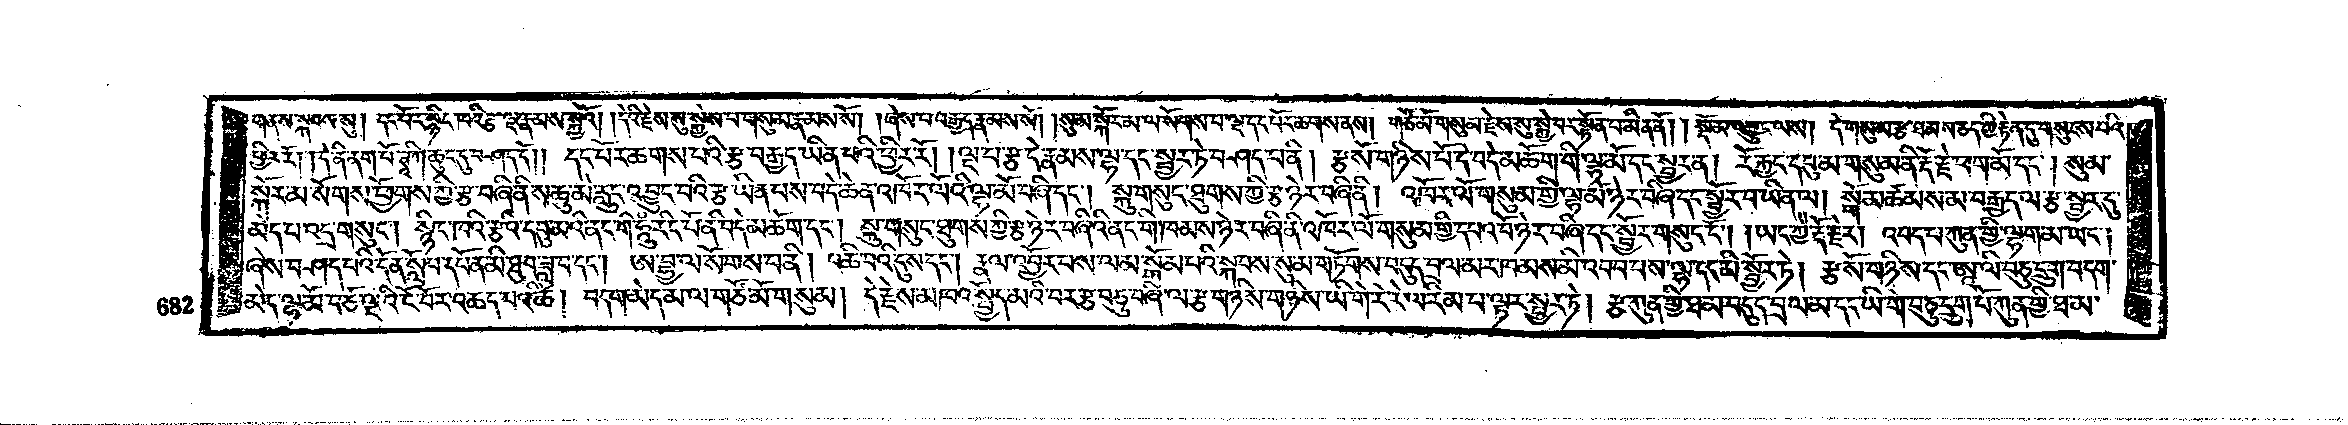གནས་སྐབས་སུ། དང་པོར་སྙིང་ཁའི་རྩ་ལྔ་རྣམས་སྐྱེའོ། །དེའི་རྗེས་སུ་སྐྱེས་ཕ་གསུམ་རྣམས་སོ། །ཞེས་པ་བརྒྱད་རྣམས་སོ། །སུམ་སྐོར་མ་ལ་སོགས་པ་ལྔ་དང་པོར་ཆགས་ནས། གཙོ་མོ་གསུམ་རྗེས་སུ་སྐྱེ་བར་སྟོན་པ་མིན་ནོ། །སྡོམ་འབྱུང་ལས། དེ་གསུམ་རྩ་ཐམས་ཅད་ཀྱི་རྟེན་དུ་གསུངས་པའི་
ཕྱིར་རོ། །དེ་ནི་ནག་པོ་ཊྰྐི་ཆུང་དུ་བཤད་དོ། །དང་པོར་ཆགས་པའི་རྩ་བརྒྱད་ཡིན་པའི་ཕྱིར་རོ། །ལྔ་པ་རྩ་དེ་རྣམས་ལྷ་དང་སྤྱར་ཏེ་བཤད་པ་ནི། རྩ་སོ་གཉིས་པོ་དེ་བདེ་མཆོག་གི་ལྷ་མོ་དང་སྦྱར་ན། རོ་རྐྱང་དབུ་མ་གསུམ་ནི་རྡོ་རྗེ་ཕག་མོ་དང་། སུམ་
སྐོར་མ་སོགས་ཕྱོགས་ཀྱི་རྩ་བཞི་ནི་ས་ཆུ་མེ་རླུང་འབྱུང་བའི་རྩ་ཡིན་པས་བདེ་ཆེན་འཁོར་ལོའི་ལྷ་མོ་བཞི་དང་། སྐུ་གསུང་ཐུགས་ཀྱི་རྩ་ཉེར་བཞི་ནི། འཁོར་ལོ་གསུམ་གྱི་ལྷ་མོ་ཉེར་བཞི་དང་སྦྱོར་བ་ཡིན་ལ། སྒོ་མཚམས་མ་བརྒྱད་ལ་རྩ་སྦྱར་དུ་
མེད་པ་འདྲ་གསུང་། སྙིང་ཁའི་རྩའི་དབུ་མའི་ནང་གི་ཧཱུཾ་རིང་པོ་ནི་བདེ་མཆོག་དང་། སྐུ་གསུང་ཐུགས་ཀྱི་རྩ་ཉེར་བཞིའི་ནང་གི་ཁམས་ཉེར་བཞི་ནི་འཁོར་ལོ་གསུམ་གྱི་དཔའ་བོ་ཉེར་བཞི་དང་སྦྱོར་གསུང་ངོ། །ཡང་ཀྱཻ་རྡོ་རྗེར། འབད་པ་ཀུན་གྱི་ལྷག་མ་ཡང་།
ཞས་བཤད་པའི་དོན་སློབ་དཔོན་མི་ཐུབ་ཟླ་བ་དང་། ཨ་བྷྱ་ལ་སོགས་པ་ནི། འཆི་བའི་དུས་དང་། རྣལ་འབྱོར་བས་ལམ་སྒོམ་པའི་སྐབས་སུ་མ་གཏོགས་བདུད་བྲལ་མར་ཁམས་མི་འབབ་པས་ལྷ་དང་མི་སྦྱོར་ཏེ། རྩ་སོ་གཉིས་དང་ཨཱ་ལི་བཅུ་དྲུག་བདག་
མེད་ལྷེ་མོ་བཅོ་ལྔའི་ངོ་བོར་འཆད་པའི་ཚེ། བདག་མེད་མ་ལ་གཙོ་མོ་གསུམ། དེ་རྗེས་མཁའ་སྤྱོད་མའི་བར་རྩ་བཅུ་བཞི་ལ་རྩ་གཉིས་གཉིས་ཡི་གེ་རེ་རེ་ལ་རིམ་པ་ལྟར་སྦྱར་ཏེ། རྩ་ཀུན་གྱི་ཐ་མ་བདུད་བྲལ་མ་དང་ཡི་གེ་བཅུ་དྲུག་པོ་ཀུན་གྱི་ཐ་མ་